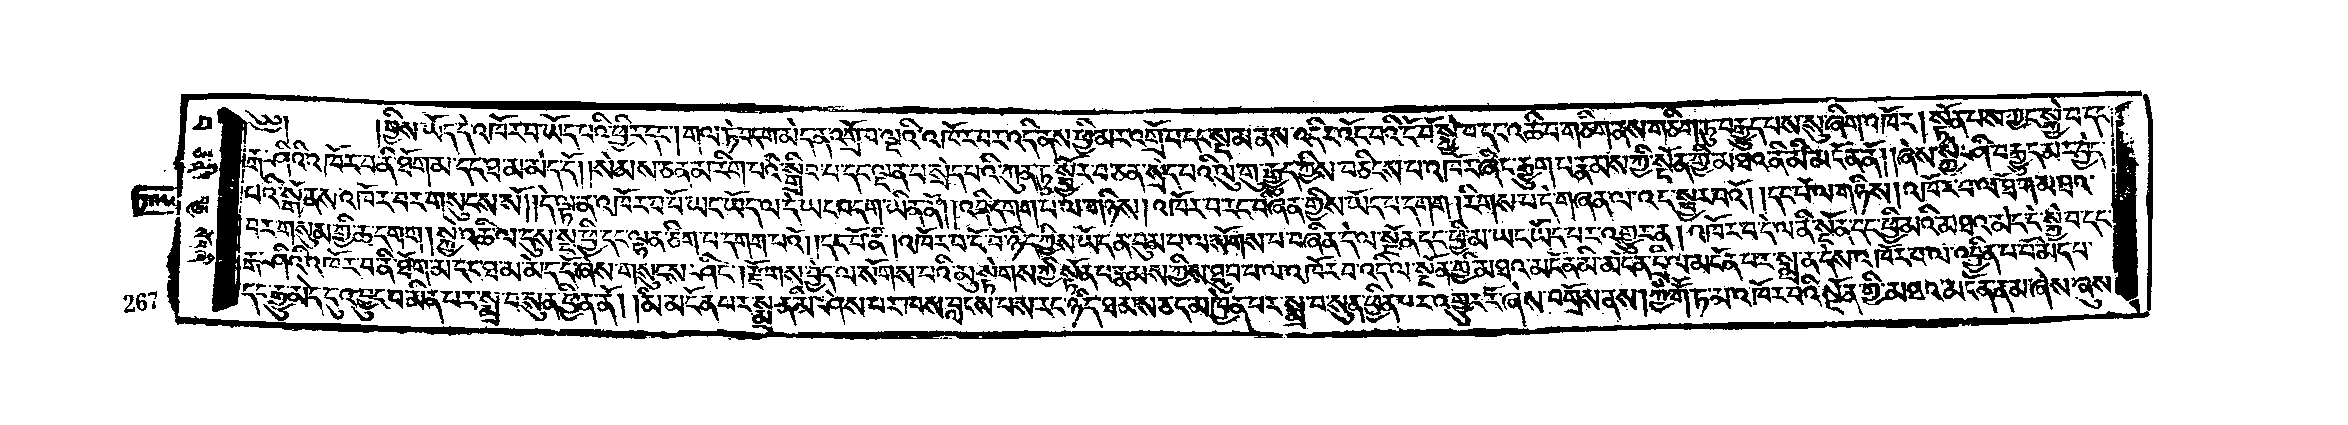༄༅། །གྱིས་ཡོད་དེ་འཁོར་བ་ཡོད་པའི་ཕྱིར་དང་། གལ་ཏེ་བདག་མེད་ན་འགྲོ་བ་ལྔའི་འཁོར་བར་འདི་ནས་ཕྱི་མར་འགྲོ་བ་དང་སྔ་མ་ནས་འདིར་འོང་བའི་ངོ་བོ་སྐྱེ་བ་དང་འཆི་བ་གཅིག་ནས་གཅིག་ཏུ་བརྒྱུད་པས་ཞིག་ཁོར། །སྟོན་པས་ཀྱང་སྐྱེ་བ་དང་
རྒ་ཤིའི་འཁོར་བ་ནི་ཐོག་མ་དང་ཐ་མ་མེད་དོ། །སེམས་ཅན་མ་རིག་པའི་སྒྲིབ་པ་དང་ལྡན་པ་སྲེད་པའི་ཀུན་ཏུ་སྦྱོར་བ་ཅན་སྲེད་པའི་ལུ་གུ་རྒྱུད་ཀྱིས་བཅིངས་པ་འཁོར་ཞིང་རྒྱུད་པ་རྣམས་ཀྱི་སྔོན་གྱི་མཐའ་ནི་མི་མངོན་ནོ། །ཞེས་སྐྱེ་ཤི་བརྒྱུད་མར་བྱེད་
པའི་སྒོ་ནས་འཁོར་པར་གསུངས་སོ། །དེ་ལྟ་ན་འཁོར་བ་པོ་ཡང་ཡོད་ལ་དེ་ཡང་བདག་ཡིན་ནོ། །འདི་དགག་པ་ལ་གཉིས། །འཁོར་བ་རང་བཞིན་གྱིས་ཡོད་པ་དགག །རིགས་པ་དེ་གཞན་ལའང་སྦྱར་བའོ། །དང་པོ་ལ་གཉིས། འཁོར་བ་ལ་ཐོག་མཐའ་
བར་གསུམ་གྱི་ཆ་དགག །སྐྱེ་འཆི་ལ་དུས་སྔ་ཕྱི་དང་ལྷན་ཅིག་པ་དགག་པའོ། །དང་པོ་ནི། འཁོར་བ་ངོ་བོ་ཉིད་ཀྱིས་ཡོད་ན་བུམ་པ་ལ་སོགས་པ་བཞིན་དེ་ལ་སྔོན་དང་ཕྱི་མ་ཡང་ཡོད་པར་འགྱུར་ན། འཁོར་བ་དེ་ལ་ནི་སྔོན་དང་ཕྱི་མའི་མཐའ་མེད་དེ་སྐྱེ་བ་དང་
རྒ་ཤིའི་འཁོར་བ་ནི་ཐོག་མ་དང་ཐ་མ་མེད་དོ་ཞེས་གསུངས་ཤིང་། རྫོགས་བྱེད་ལ་སོགས་པའི་མུ་སྟེགས་ཀྱི་སྟོན་པ་རྣམས་ཀྱིས་ཐུབ་པ་ལ་འཁར་བ་འདི་ལ་སྔོན་གྱི་མཐའ་མངོན་དྲི་ལ་མངོན་པར་སྨྲ་ན་དེས་འཁོར་བ་ལ་འབྱིན་པ་པོ་མེད་པ་
དང་རྒྱུ་མེད་དུ་འབྱུང་བ་མིན་པར་སྨྲ་བ་སུན་ཕྱིན་ནོ། །མི་མངོན་པར་སྨྲ་ན་མི་ཤེས་པར་ཁས་བླངས་པས་རང་ཉིད་ཐམས་ཅད་མཁྱེན་པར་སྨྲ་བ་སུན་ཕྱིན་པར་འགྱུར་རོ་ཞེས་བགྲོས་ནས། ཀྱཻ་གཽ་ཏ་མ་འཁོར་བའི་སྔོན་གྱི་མཐའ་མངོན་ནམ་ཞེས་ཞུས་